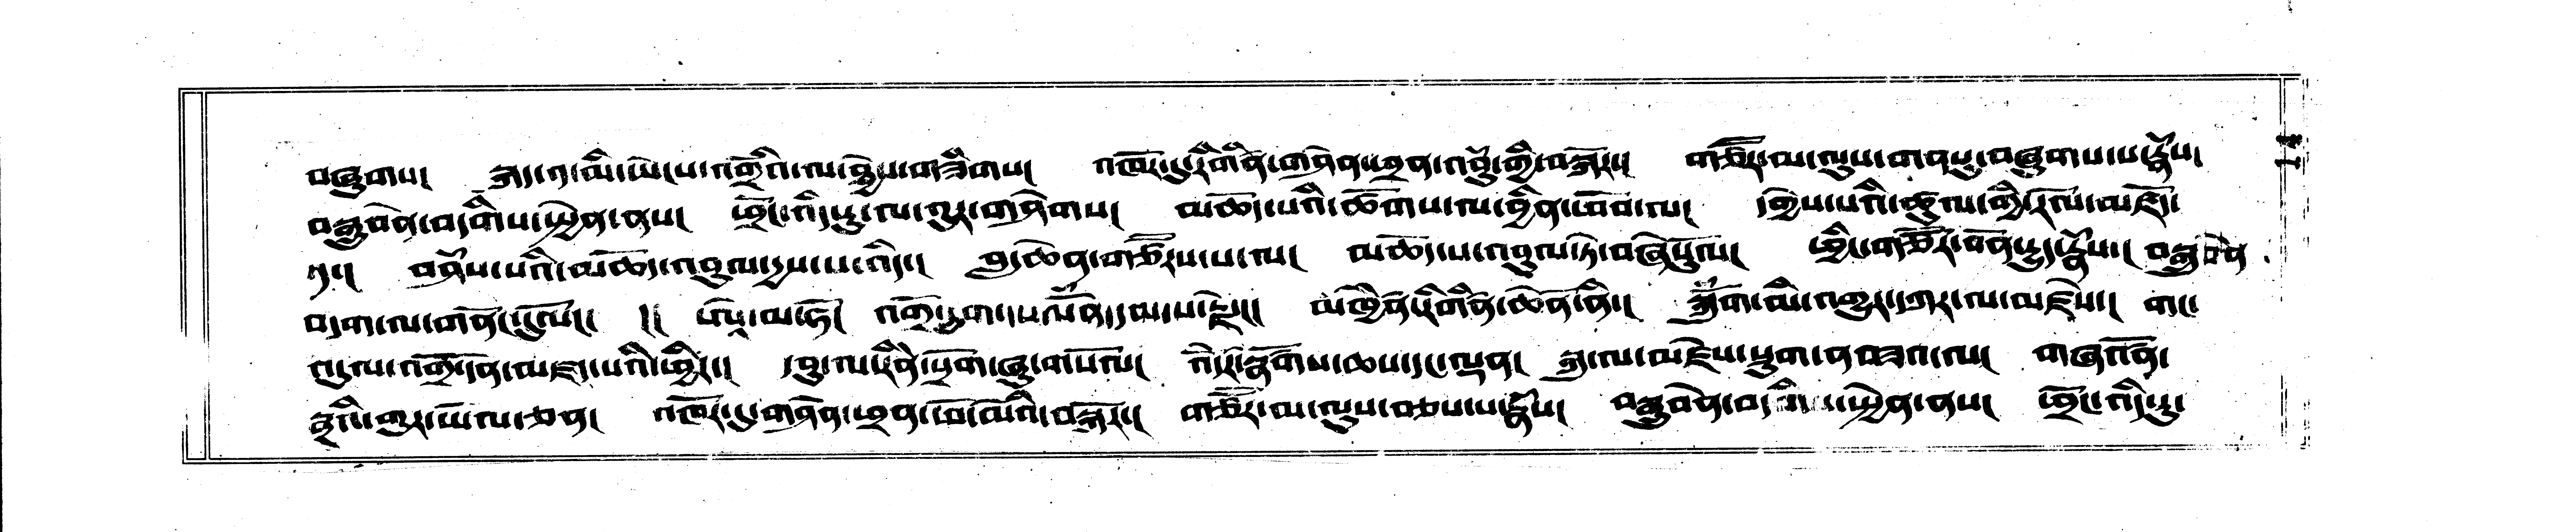བཞུགས། སྐད་ཅིག་མི་ཡེངས་འགྲོ་ལ་ཐུགས་རྗེས་གཟིགས། འཁོར་དུ་རིག་འཛིན་གཤེན་ཕྲན་འབུམ་གྱིས་བསྐོར། གཙོ་འཁོར་མ་ལུས་གནས་སུ་བཞུགས་པ་རྣམས། 
བསྒྲུབ་ཆེན་བདག་གིས་སྤྱན་འདྲེན་ནས། ཕོ་བྲང་འདི་རུ་ལ་འུར་གཤེགས། མཆོད་པའི་ཚོགས་ལ་བྱིན་ཕོབ་ལ། དགྱེས་པའི་ཚུལ་གྱི་རོལ་མཛོད་
ཅིག བཤམས་པའི་མཆོད་འབུལ་རྒྱས་པ་འདི། བླ་ཆེན་གཙོ་འཁོར་བཅས་པ་ལ། མཆོད་པ་འབུལ་ཏེ་བཞེས་སུ་གསོལ། ཕྱི་ནང་གཙོ་འཁོར་བོན་རྒྱུད་རྣམས། བསྒྲུབ་ཆེན་
བདག་ལ་གནང་དུ་གསོལ། །།ཨེ་མ་ཧོ། འགྲོ་དྲུག་དཔལ་མགོན་དམ་པ་རྗེ།། མཁྱེན་བརྩེ་རིག་འཛིན་ཆེན་པོ་ནི། སྐུ་མདོག་མི་འགྱུར་དཀར་ལ་མཛེས། གང་
འདུལ་འགྲོ་དོན་མཛད་པའི་ཕྱིར། དབུ་ལ་རིན་ཆེན་པྲོག་ཞུ་གསོལ། འོད་ཟེར་སྣ་ཚོགས་ཆས་དང་ལྡན། སྐུ་ལ་མཛེས་སྡུག་ན་བཟའ་ལ། གཞའ་ཚོན་
སྣ་ལྔའི་གུར་ཡོལ་ཅན། འཁོར་དུ་གཤེན་ཕྲན་ཕོ་མོས་བསྐོར། གཙོ་འཁོར་མ་ལུས་བཅས་པ་རྣམས། བསྒྲུབ་ཆེན་བདག་གིས་སྤྱན་འདྲེན་ནས། ཕོ་བྲང་འདི་རུ་